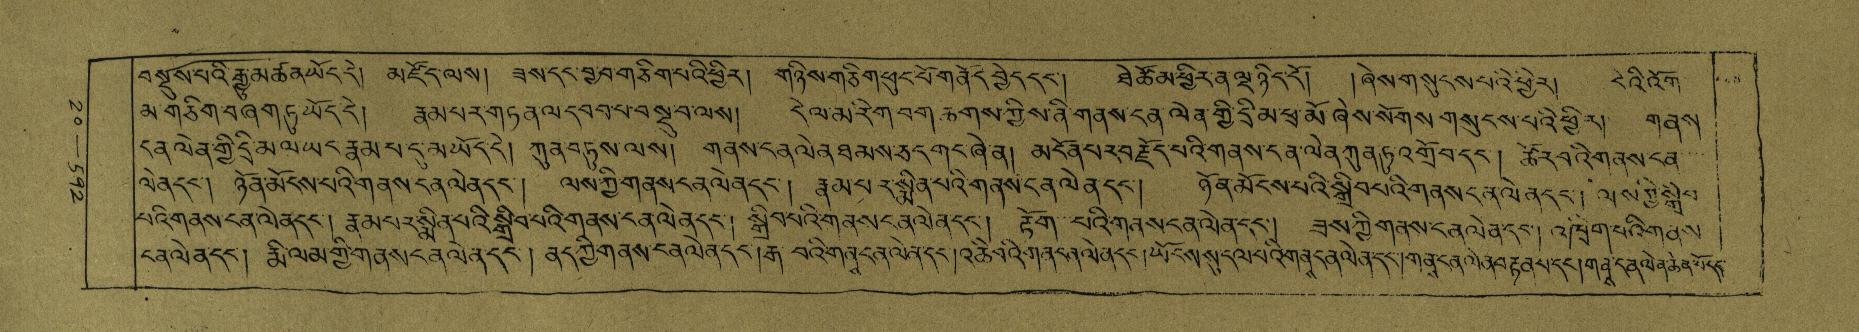བསྡུས་པའི་རྒྱུ་མཚན་ཡོད་དེ། མཛོད་ལས། ཟས་དང་བྱ་བ་གཅིག་པའི་ཕྱིར། གཉིས་གཅིག་ཕུང་པོ་གནོད་བྱེད་དང་། ཐེ་ཚོམ་ཕྱིར་ན་ལྔ་ཉིད་དོ། །ཞེས་གསུངས་པའི་ཕྱིར། དེའི་འོག་
མ་གཅིག་བཞག་ཏུ་ཡོད་དེ། རྣམ་པར་གཏན་ལ་དབབ་པ་བསྡུ་བ་ལས། དེ་ལ་མ་རིག་བག་ཆགས་ཀྱིས་ནི་གནས་ངན་ལེན་གྱི་དྲི་མ་ཕྲ་མོ་ཞེས་སོགས་གསུངས་པའི་ཕྱིར། གནས་
ངན་ལེན་གྱི་དྲི་མ་ལ་ཡང་རྣམ་པ་དུ་མ་ཡོད་དེ། ཀུན་བཏུས་ལས། གནས་ངན་ལེན་ཐམས་ཅད་གང་ཞེ་ན། མངོན་པར་བརྗོད་པའི་གནས་ངན་ལེན་ཀུན་ཏུ་འགྲོ་བ་དང་། ཚོར་བའི་གནས་ངན་
ལེན་དང་། ཉོན་མོངས་པའི་གནས་ངན་ལེན་དང་། ལས་ཀྱི་གནས་ངན་ལེན་དང་། རྣམ་པར་སྨིན་པའི་གནས་ངན་ལེན་དང་། ཉོན་མོངས་པའི་སྒྲིབ་པའི་གནས་ངན་ལེན་དང་། ལས་ཀྱི་སྒྲིབ་
པའི་གནས་ངན་ལེན་དང་། རྣམ་པར་སྨིན་པའི་སྒྲིབ་པའི་གནས་ངན་ལེན་དང་། སྒྲིབ་པའི་གནས་ངན་ལེན་དང་། རྟོག་པའི་གནས་ངན་ལེན་དང་། ཟས་ཀྱི་གནས་ངན་ལེན་དང་། འཁྲིག་པའི་གནས་
ངན་ལེན་དང་། རྨི་ལམ་གྱི་གནས་ངན་ལེན་དང་། ནད་ཀྱི་གནས་ངན་ལེན་དང་། རྒ་བའི་གནས་ངན་ལེན་དང་། འཆི་བའི་གན་ངན་ལེན་དང་། ཡོངས་སུ་དལ་བའི་གནས་ངན་ལེན་དང་། གནས་ངན་ལེན་བརྟན་པ་དང་། གནས་ངན་ལེན་ཆེན་པོ་དང་